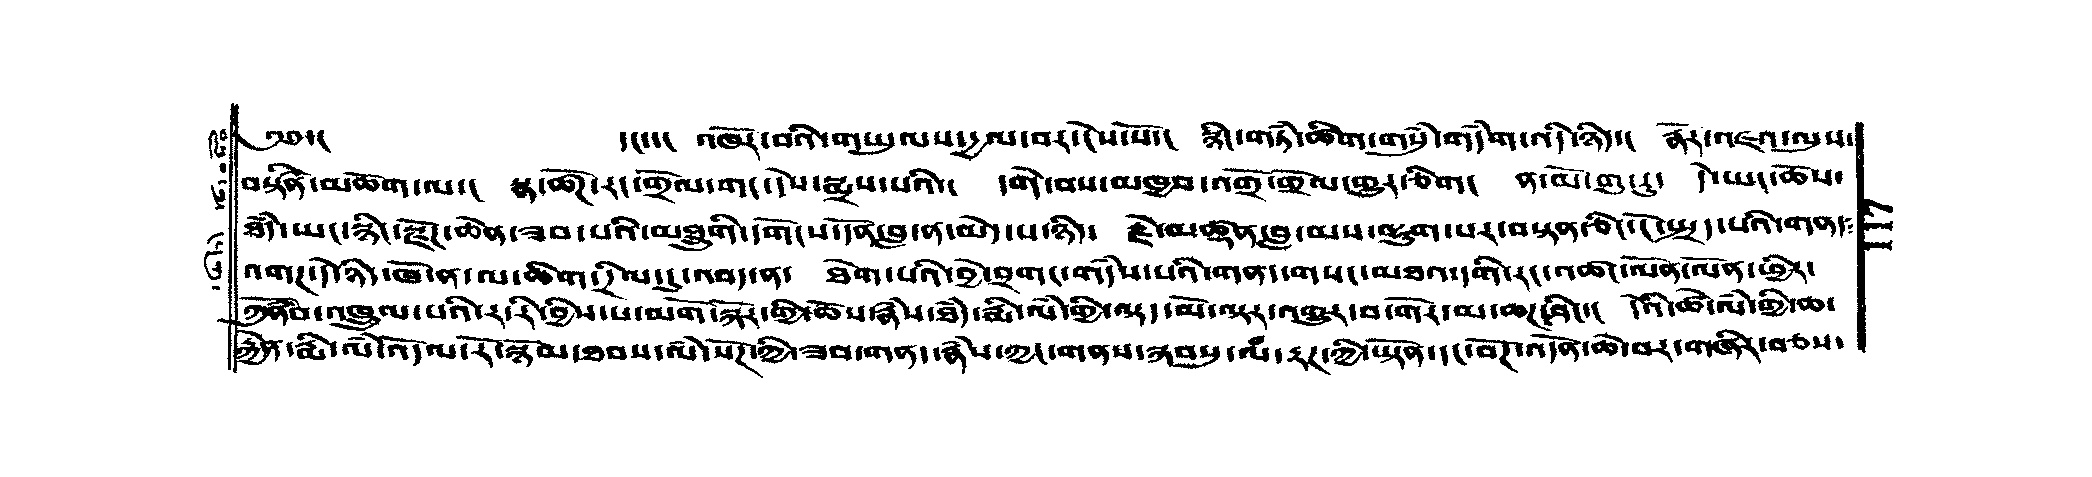དང་། །འཁོར་བའི་གཡུལ་ལས་རྒྱལ་བར་ངེས་སོ། །སྙིང་གཏམ་ཚིག་གསུམ་གདམས་ངག་འདི་ཉིད། །རྣལ་འབྱོར་འཇའ་ལུས་
བསྟན་འཛིན་མཆོག་ལ། །སྣ་ཚོགས་རང་གྲོལ་གང་དེས་སྨྲས་པའི། །དགེ་བས་མཁའ་ཁྱབ་འགྲོ་གྲོལ་གྱུར་ཅིག ན་མོ་གུ་རུ། དེ་ཡང་ཆོས་
ཐམས་ཅད་ཀྱི་ཡང་སྙིང་རྫོགས་ཆེན་ཟབ་པའི་མཐར་ཐུག་གི་དགོངས་དོན་བླ་ན་མེད་པ་ཉིད། རྗེ་མཚན་ལྡན་བླ་མས་ལྷུག་པར་བསྟན་ཅིང་ངོ་སྤྲད་པའི་གནད་
འགག་དེ་ཉིད་ཁོ་ན་ལ་ཆིག་དྲིལ་དུ་འབད་ན་ཐེག་པའི་བྱེ་བྲག་དང་གདམས་པའི་གནད་གསང་མཐའ་དག་གི་རང་མཚང་ལོན་ཕྱིར། 
ཀུན་རྫོབ་འཁྲུལ་པ་ར་རི་བྱིས་པ་མགོ་སྐོར་ཀྱི་ཆོས་རྣམས་ཐམས་ཅད་རྨི་ལམ་གྱི་ལྟད་མོ་ལྟར་འགྱུར་བ་གོར་མ་ཆགས་ཤིང་། དེའི་ཚེ་ལམ་གྱི་ཆ་
རྐྱེན་རྨི་ལམ་འོད་གསལ་རོ་སྙོམ་ཐབས་ལམ་སོགས་ཀྱི་ཟབ་གནད་རྣམས་ཀྱང་གནས་སྐབས་སུ་ལམ་རྟགས་ཀྱི་ཡོན་ཏན་དང་བོགས་འདོན་ཆེ་བར་གཞིར་བཅས་